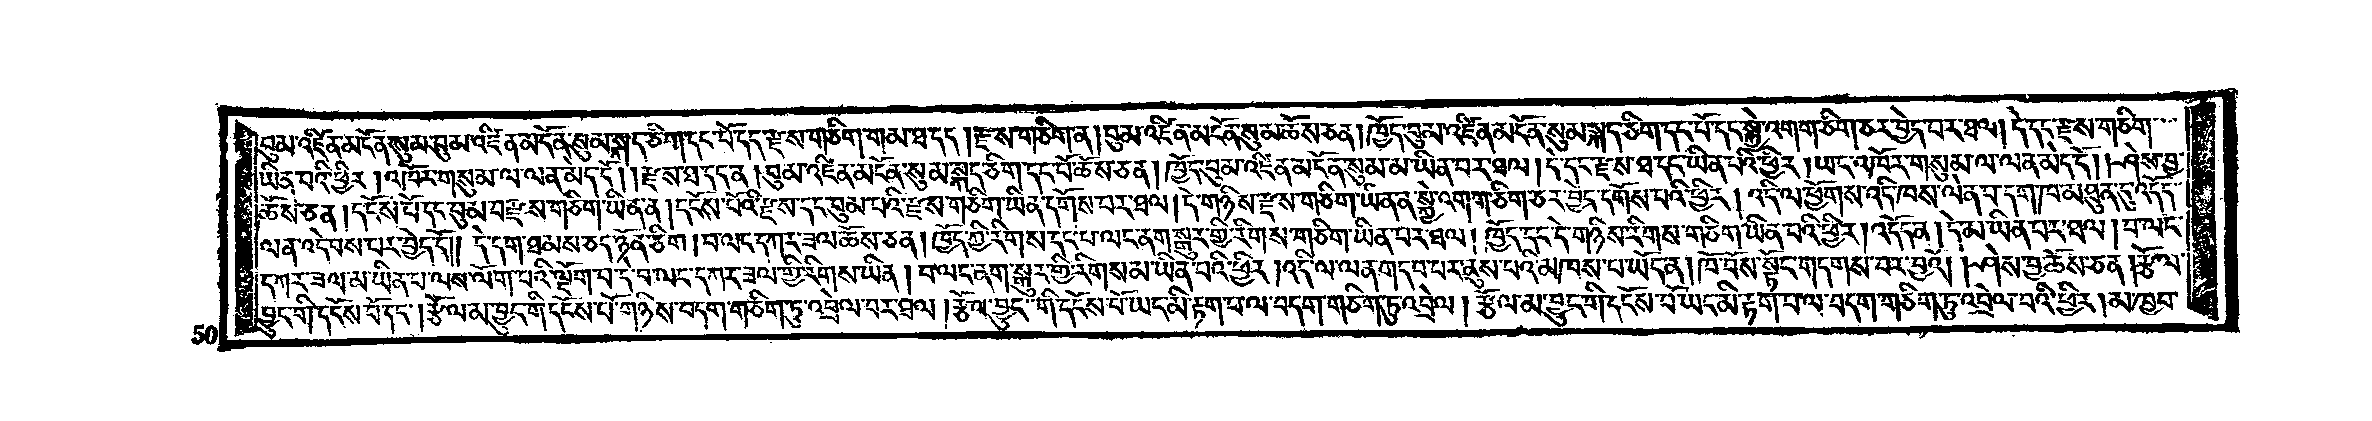བུམ་འཛིན་མངོན་སུམ་བུམ་འཛིན་མངོན་སུམ་སྐད་ཅིག་དང་པོ་དད་རྫས་གཅིག་གམ་ཐ་དད། རྫས་གཅིག་ན། བུམ་འཛིན་མངོན་སུ་མ་ཆོས་ཅན། ཁྱོད་བུམ་འཛིན་མངོན་སུམ་སྐད་ཅིག་དང་པོ་དང་སྐྱེ་འགག་ཅིག་ཅར་བྱེད་པར་ཐལ། དེ་དང་རྫས་གཅིག་
ཡིན་པའི་ཕྱིར། འཁོར་གསུམ་ལ་ལན་མེད་དོ། །རྫས་ཐ་དད་ན། བུམ་འཛིན་མངོན་སུམ་སྐད་ཅིག་དང་པོ་ཆོས་ཅན། ཁྱོད་བུམ་འཛིན་མངོན་སུམ་མ་ཡིན་པར་ཐལ། དེ་དང་རྫས་ཐ་དད་ཡིན་པའི་ཕྱིར། ཡང་འཁོར་གསུམ་ལ་ལན་མེད་དོ། །ཤེས་བྱ་
ཆོས་ཅན། དངོས་པོ་དང་བུམ་བརྫས་གཅིག་ཡིན་ན། དངོས་པོའི་རྫས་དང་བུམ་པའི་རྫས་གཅིག་ཡིན་དགོས་པར་ཐལ། དེ་གཉིས་རྫས་གཅིག་ཡིན་ན་སྐྱེ་འགག་ཅིག་ཅར་བྱེད་དགོས་པའི་ཕྱིར། འདི་ལ་ཕྱོགས་འདི་ཁས་ལེན་པ་དག་ཁ་མཐུན་དུ་འདོད་
ལན་འདེབས་པར་བྱེད་དོ། །དེ་དག་ཐམས་ཅད་ཉོན་ཅིག། བ་ལང་དཀར་ཟལ་ཆོས་ཅན། ཁྱོད་ཀྱི་རིགས་དང་པ་ལང་ནག་སྒུར་གྱི་རིགས་གཅིག་ཡིན་པར་ཐལ། ཁྱོད་དང་དེ་གཉིས་རིགས་གཅིག་ཡིན་པའི་ཕྱིར། འདོད་ན། དེ་མ་ཡིན་པར་ཐལ། བ་ལང་
དཀར་ཟལ་མ་ཡིན་པ་ལས་ལོག་པའི་ལྡོག་པ་དེ་བ་ལང་དཀར་ཟལ་གྱི་རིགས་ཡིན། བ་ལང་ནག་སྒུར་གྱི་རིགས་མ་ཡིན་པའི་ཕྱིར། འདི་ལ་ལན་གདབ་པར་ནུས་པའི་མཁས་པ་ཡོད་ན། ཁོ་བོས་སྟོང་གདགས་པར་བྱའོ། །ཤེས་བྱ་ཆོས་ཅན། རྩོལ་
བྱུང་གི་དངོས་པོ་དང་། རྩོལ་མ་བྱུང་གི་དངོས་པོ་གཉིས་བདག་གཅིག་ཏུ་འབྲེལ་བར་ཐལ། རྩོལ་བྱུང་གི་དངོས་པོ་ཡང་མི་རྟག་པ་ལ་བདག་གཅིག་ཏུ་འབྲེལ། རྩོལ་མ་བྱུང་གི་དངོས་པོ་ཡང་མི་རྟག་པ་ལ་བདག་གཅིག་ཏུ་འབྲེལ་བའི་ཕྱིར། མ་ཁྱབ་